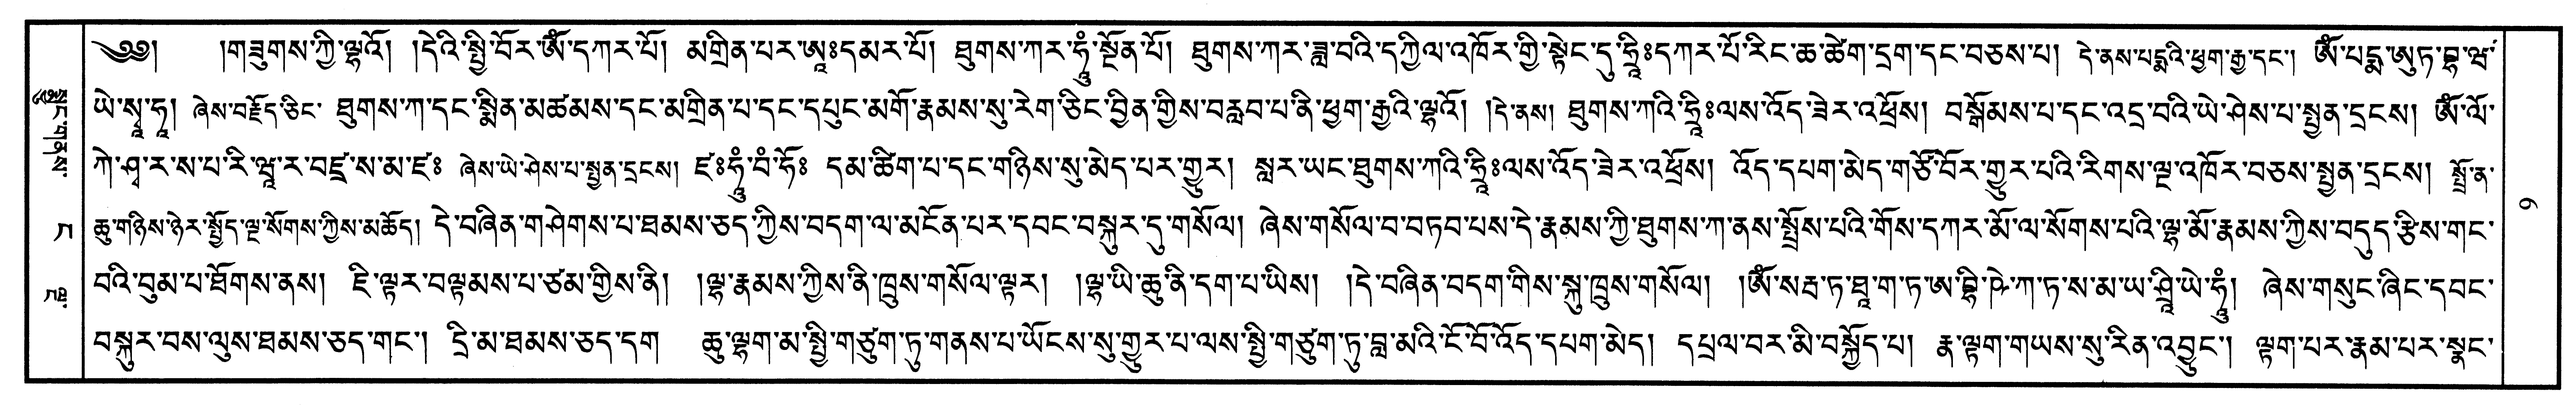༄༅། །གཟུགས་ཀྱི་ལྷའོ། །དེའི་སྤྱི་བོར་ཨོཾ་དཀར་པོ། མགྲིན་པར་ཨཱཿ དམར་པོ། ཐུགས་ཀར་ཧཱུཾ་སྔོན་པོ། ཐུགས་ཀར་ཟླ་བའི་དཀྱིལ་འཁོར་གྱི་སྟེང་དུ་ཧྲཱིཿ དཀར་པོ་རིང་ཆ་ཚེག་དྲག་དང་བཅས་པ། དེ་ནས་པདམའི་ཕྱག་རྒྱ་དང་། ཨོཾ་པདམ་ཨུཏ་བྷ་ཝ་
ཡེ་སྭཱ་ཧཱ། ཞེས་བརྗོད་ཅིང་། ཐུགས་ཀ་དང་སྨིན་མཚམས་དང་མགྲིན་པ་དང་དཔུང་མགོ་རྣམས་སུ་རེག་ཅིང་བྱིན་གྱིས་བརླབ་པ་ནི་ཕྱག་རྒྱའི་ལྷའོ། །དེ་ནས། ཐུགས་ཀའི་ཧྲཱིཿ ལས་འོད་ཟེར་འཕྲོས། བསྒོམས་པ་དང་འདྲ་བའི་ཡེ་ཤེས་པ་སྤྱན་དྲངས། ཨོཾ་ལོ་
ཀེ་ཤྭ་ར་ས་པ་རི་ཝཱ་ར་བཛྲ་ས་མ་ཛཿ ཞེས་ཡེ་ཤེས་པ་སྤྱན་དྲངས། ཛཿ ཧཱུཾ་བཾ་ཧོཿ དམ་ཚིག་པ་དང་གཉིས་སུ་མེད་པར་གྱུར། སླར་ཡང་ཐུགས་ཀའི་ཧྲཱྀཿ ལས་འོད་ཟེར་འཕྲོས། འོད་དཔག་མེད་གཙོ་བོར་གྱུར་པའི་རིགས་ལྔ་འཁོར་བཅས་སྤྱན་དྲངས། སྤྲོ་ན་
ཆུ་གཉིས་ཉེར་སྤྱོད་ལྔ་སོགས་ཀྱིས་མཆོད། དེ་བཞིན་གཤེགས་པ་ཐམས་ཅད་ཀྱིས་བདག་ལ་མངོན་པར་དབང་བསྐུར་དུ་གསོལ། ཞེས་གསོལ་བ་བཏབ་པས་དེ་རྣམས་ཀྱི་ཐུགས་ཀ་ནས་སྤྲོས་པའི་གོས་དཀར་མོ་ལ་སོགས་པའི་ལྷ་མོ་རྣམས་ཀྱིས་བདུད་རྩིས་གང་
བའི་བུམ་པ་ཐོགས་ནས། ཇི་ལྟར་བལྟམས་པ་ཙམ་གྱིས་ནི། །ལྷ་རྣམས་ཀྱིས་ནི་ཁྲུས་གསོལ་ལྟར། །ལྷ་ཡི་ཆུ་ནི་དག་པ་ཡིས། །དེ་བཞིན་བདག་གིས་སྐུ་ཁྲུས་གསོལ། །ཨོཾ་སརྦ་ཏ་ཐཱ་ག་ཏ་ཨ་བྷི་ཥེ་ཀ་ཏ་ས་མ་ཡ་ཤྲཱི་ཡེ་ཧཱུཾ། ཞེས་གསུང་ཞིང་དབང་
བསྐུར་བས་ལུས་ཐམས་ཅད་གང་། དྲི་མ་ཐམས་ཅད་དག་ཆུ་ལྷག་མ་སྤྱི་གཙུག་ཏུ་གནས་པ་ཡོངས་སུ་གྱུར་པ་ལས་སྤྱི་གཙུག་ཏུ་བླ་མའི་ངོ་བོ་འོད་དཔག་མེད། དཔྲལ་བར་མི་བསྐྱོད་པ། རྣ་ལྟག་གཡས་སུ་རིན་འབྱུང་། ལྟག་པར་རྣམ་པར་སྣང་